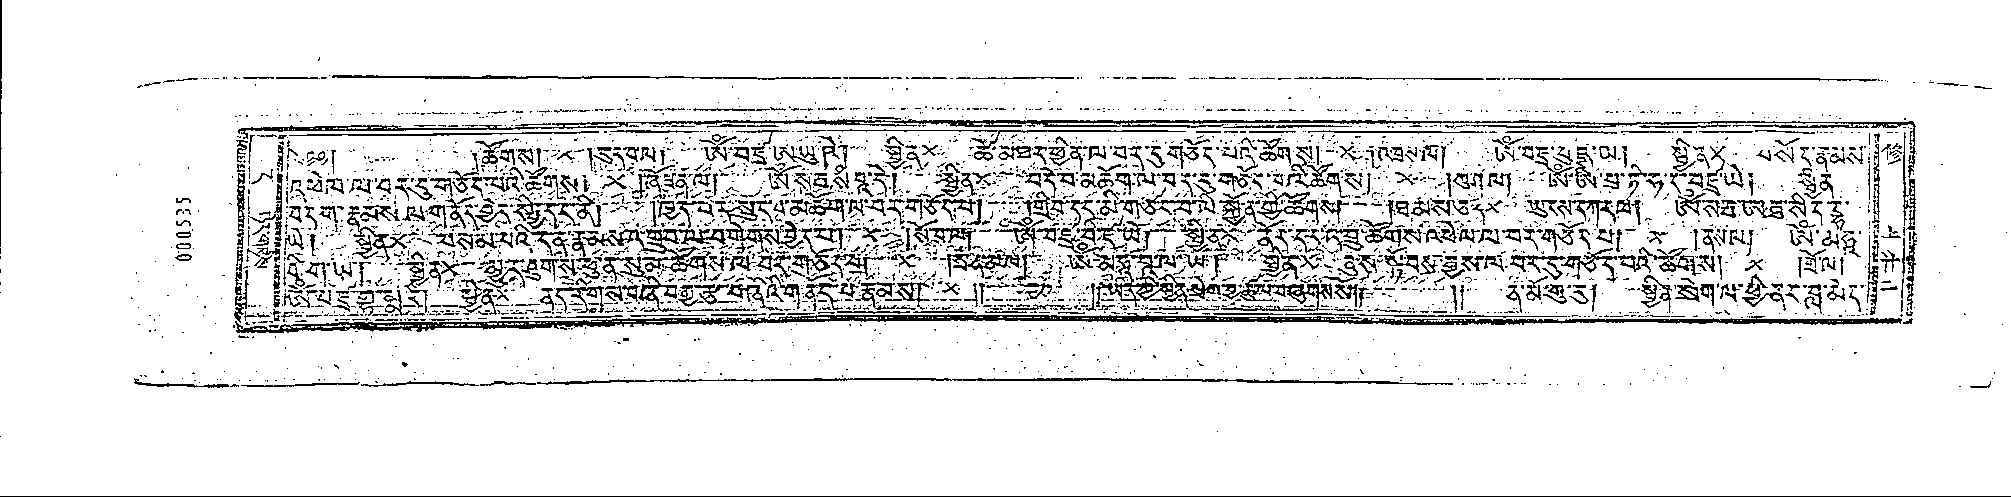༄༅། །ཚོགས། ྾་།ངུར་བ་ལ། ཨོཾ་བཛྲ་ཨཡུཥེ། སྦྱིན་྾་ཚེ་མཐར་ཕྱིན་ལ་བར་དུ་གཅོད་པའི་ཚོགས། ྾་།འབྲས་ལ། ཨོཾ་བཛྲ་པུཥྜཱ་ཡ། སྦྱིན་྾་བསོད་རྣམས་
འཕེལ་ལ་བར་དུ་གཅོད་པའི་ཚོགས། ྾་།ཞོ་ཟན་ལ། ཨོཾ་སརྦ་སཾ་བཱ་དེ། སྦྱིན་྾་བདེ་བ་མཆོག་ལ་བར་དུ་གཅོད་པའི་ཚོགས། ྾་།ཀུ་ཤ་ལ། ཨོཾ་ཨ་པྲ་ཏི་ཧ་ང་བཛྲ་ཡེ། སྦྱིན་
བདག་རྣམས་ལ་གནོད་བྱེད་སྤྱི་དང་ནི། །ཁྱད་པར་སྲུང་བ་མཆོག་ལ་བར་གཅོད་པ། །གྲིབ་དང་མི་གཙང་བ་ལ་སྐྱོན་གྱི་ཚོགས། །ཐམས་ཅད་྾་ཡུངས་དཀར་ལ། ཨོཾ་སརྦ་ཨརྠ་སིད་དྷ་
ཡེ། སྦྱིན་྾་བསམ་པའི་ངན་རྣམས་འགྲུབ་ལ་བགེགས་བྱེད་པ། ྾་།སོ་བ་ལ། ཨོཾ་བཛྲ་བི་ཛ་ཡེ། སྦྱིན་྾་ནོར་དང་འབྲུ་ཚོགས་འཕེལ་ལ་བར་གཅོད་པ། ྾་།ནས་ལ། ཨོཾ་མཧཱ་
བི་ག་ཡ། སྦྱིན་྾་མྱུར་ཤུགས་ཕུ་ན་སུམ་ཚོགས་ལ་བར་གཅོད་པ། ྾་།སྲན་མ་ལ། ཨོཾ་མཧཱ་བཱ་ལ་ཡ། སྦྱིན་྾་ནུས་སྟོབས་རྒྱས་ལ་བར་དུ་གཅོད་པའི་ཚོགས། ྾་།གྲོ་ལ།
ཨོཾ་བཛྲགྷ་སྨ་རི། སྦྱིན་྾་ནད་རིགས་བཞི་བརྒྱ་རྩ་བཞིའི་གནོད་པ་རྣམས། ྾་།། ༧་།།ཡིད་ཀྱི་སྦྱིན་སྲེག་བྱ་ཚུལ་བཞུགས་སོ།། །།ན་མོ་གུ་རུ། སྦྱིན་སྲེག་ལ་ཕྱི་ནང་བླ་མེད་